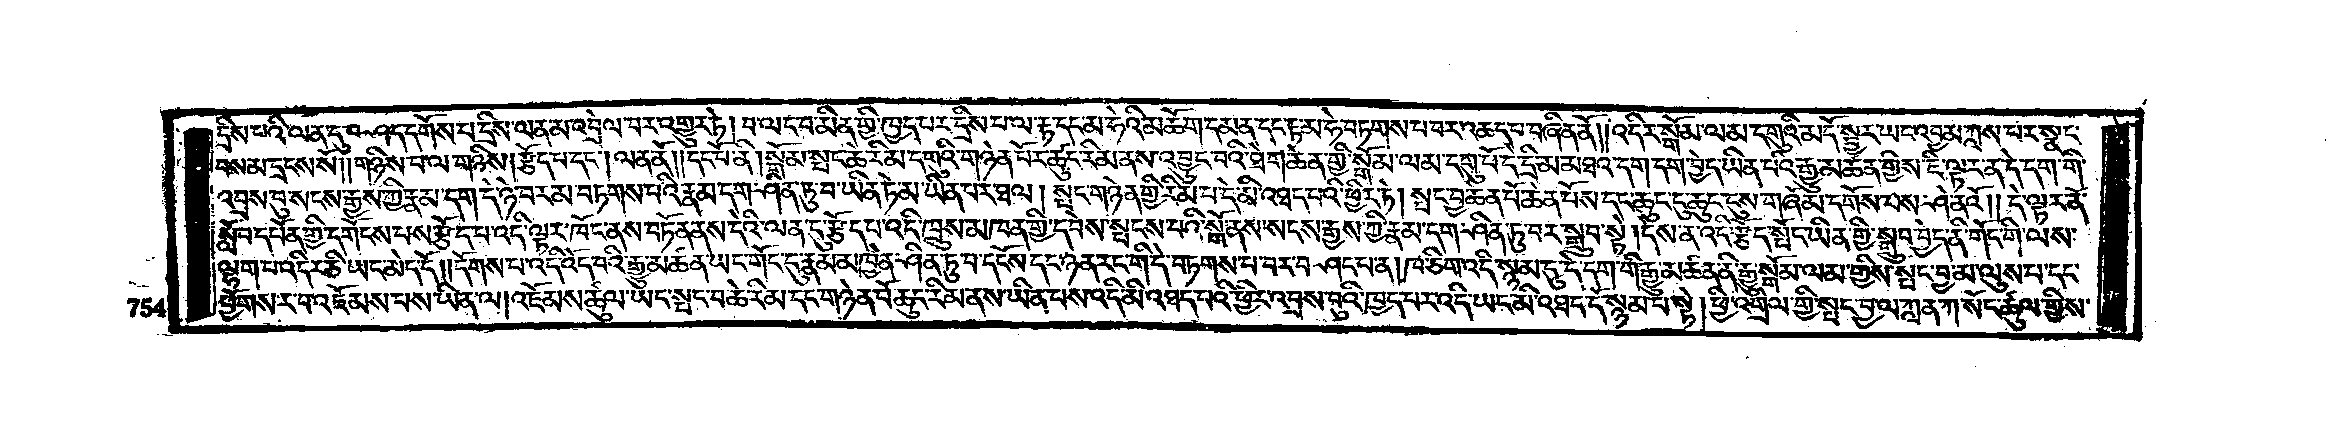དྲིས་པའི་ལན་དུ་བཤད་དགོས་པ་དྲིས་ལན་མ་འབྲེལ་བར་འགྱུར་ཏེ། བ་ལང་བ་མིན་གྱི་ཁྱད་པར་དྲིས་པ་ལ་རྟ་དང་མ་ཧེའི་མཆོག་དམན་དང་རྟ་མ་ཧེ་བཏགས་པ་བར་འཆད་པ་བཞིན་ནོ། །འདིར་སྒོམ་ལམ་དགུའི་མདོ་སྦྱར་ཡང་འབྱམ་ཀླས་པར་སྣང་
བས་མ་དྲངས་སོ། །གཉིས་པ་ལ་གཉིས། རྩོད་པ་དང་། ལན་ནོ། །དང་པོ་ནི། སྒོམ་སྤང་ཚེ་རིམ་དགུའི་གཉེན་པོར་ཆུང་རིམ་ནས་འབྱུང་བའི་ཐེག་ཆེན་གྱི་སྒོམ་ལམ་དགུ་པོ་དེ་དྲི་མ་མཐའ་དག་དག་བྱེད་ཡིན་པའི་རྒྱུ་མཚན་གྱིས་ཇི་ལྟར་ན་དེ་དག་གི་
འབྲས་བུ་སངས་རྒྱས་ཀྱི་རྣམ་དག་དེ་ཉེ་བར་མ་བཏགས་པའི་རྣམ་དག་ཤིན་ཏུ་བ་ཡིན་ཏེ་མ་ཡིན་པར་ཐལ། སྤང་གཉེན་གྱི་རིམ་པ་དེ་མི་འཐད་པའི་ཕྱིར་ཏེ། སྤང་བྱ་ཆེན་པོ་ཆེན་པོས་དང་ཆུང་ངུ་ཆུང་ངུས་གཞོམ་དགོས་པས་ཤེ་ནའོ། །དེ་ལྟར་ན་
སློབ་དཔོན་གྱི་དགོངས་པས་རྩོད་པ་འདི་ལྟར་ཁོང་ནས་བཏོན་ནས་དེའི་ལན་དུ་རྩོད་པ་འདི་ཁྲུས་མཁན་གྱི་དབེས་སྤངས་པའི་སྒོ་ནས་སངས་རྒྱས་ཀྱི་རྣམ་དག་ཤིན་ཏུ་བར་སྒྲུབ་སྟེ། དེས་ན་འདི་རྩོད་སྤོང་ཡིན་གྱི་སྒྲུབ་བྱེད་ནི་གོང་གི་ལས་
ལྷག་པ་འདིར་ཅི་ཡང་མེད་དོ། །དོགས་པ་འདི་འོད་བའི་རྒྱུ་མཚན་ཡང་གོང་དུ་རྣམ་མཁྱེན་ཤིན་ཏུ་བ་དངོས་དང་ཉན་རང་གི་དེ་བཏགས་པ་བར་བཤད་པ་ན། ཁ་ཅིག་འདི་སྙམ་དུ་དེ་དག་གི་རྒྱུ་མཚན་ནི་རྒྱུ་སྒོམ་ལམ་གྱིས་སྤང་བྱ་མ་ལུས་པ་དང་
ཕྱོགས་ར་བ་འཇོམས་པས་ཡིན་ལ། འཇོམས་ཚུལ་ཡང་སྤང་བ་ཆེ་རིམ་དང་གཉེན་པོ་ཆུང་རིམ་ནས་ཡིན་པས་འདི་མི་འཐད་པའི་ཕྱིར་འབྲས་བུའི་ཁྱད་པར་འདི་ཡང་མི་འཐད་དོ་སྙམ་པ་སྟེ། ཕྱི་འགྲེལ་གྱི་སྤང་བྱ་ལ་ཀླན་ཀ་སོང་ཚུལ་གྱིས་